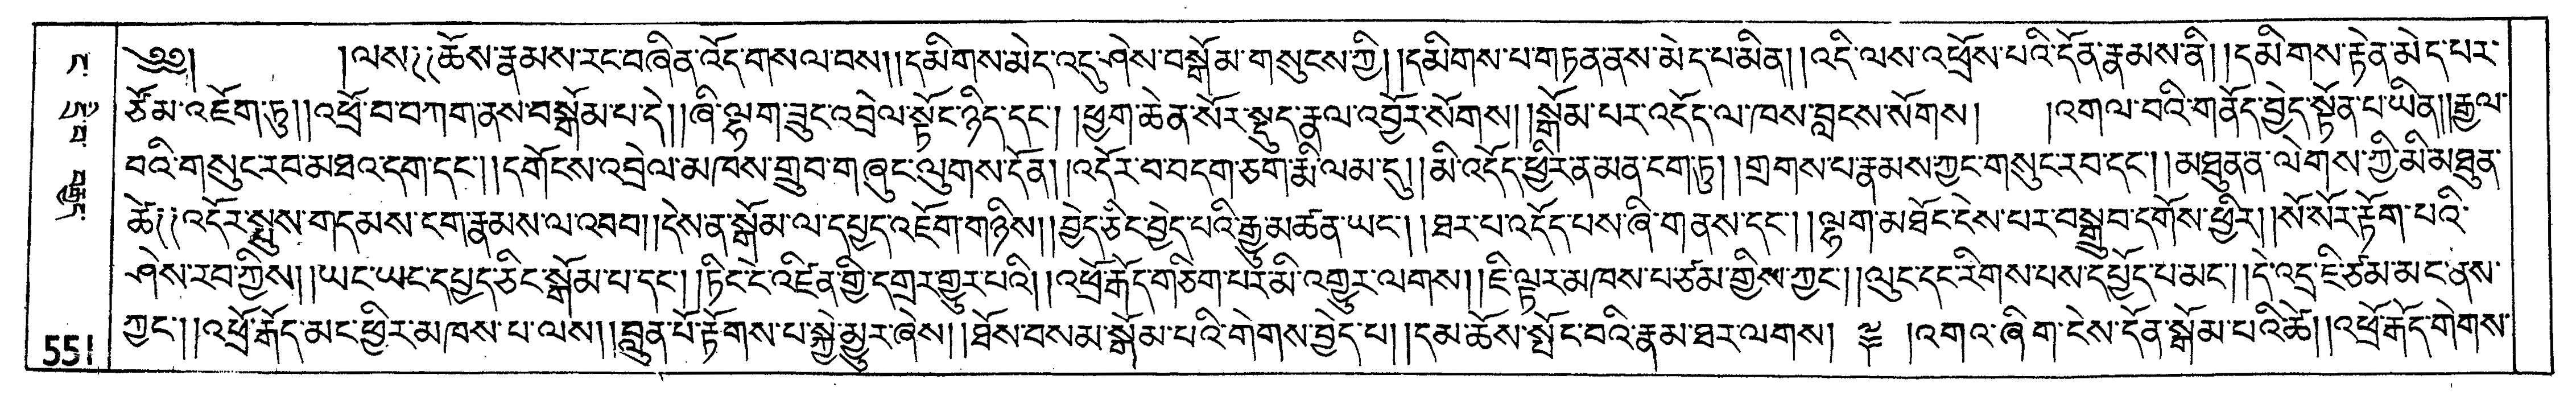༄༅། །ལས༑ ༑ཆོས་རྣམས་རང་བཞིན་འོད་གསལ་བས། །དམིགས་མེད་འདུ་ཤེས་བསྒོམ་གསུངས་ཀྱི། །དམིགས་པ་གཏན་ནས་མེད་པ་མིན། །འདི་ལས་འཕྲོས་པའི་དོན་རྣམས་ནི། །དམིགས་རྟེན་མེད་པར་
ཙོམ་འཇོག་ཏུ། །འཕྲོ་བ་བཀག་ནས་བསྒོམ་པ་དེ། །ཞི་ལྷག་ཟུང་འབྲེལ་སྟོང་ཉིད་དང་། །ཕྱག་ཆེན་སོར་སྡུད་རྣལ་འབྱོར་སོགས། །སྒོམ་པར་འདོད་ལ་ཁས་བླངས་སོགས། །འགལ་བའི་གནོད་བྱེད་སྟོན་པ་ཡིན། །རྒྱལ་
བའི་གསུང་རབ་མཐའ་དག་དང་། །དགོངས་འབྲེལ་མཁས་གྲུབ་གཞུང་ལུགས་དོན། །འདོར་བ་བདག་ཅག་རྨི་ལམ་དུ། །མི་འདོད་ཕྱིར་ན་མན་ངག་ཏུ། །གྲགས་པ་རྣམས་ཀྱང་གསུང་རབ་དང་། །མཐུན་ན་ལེགས་ཀྱི་མི་མཐུན་
ཚེ༑ ༑འདོར་སྤུས་གདམས་ངག་རྣམས་ལ་འབབ། །དེས་ན་སྒོམ་ལ་དཔྱད་འཇོག་གཉིས། །བྱེད་ཅིང་བྱེད་པའི་རྒྱུ་མཚན་ཡང་། །ཐར་པ་འདོད་པས་ཞི་གནས་དང་། །ལྷག་མཐོང་ངེས་པར་བསྒྲུབ་དགོས་ཕྱིར། །སོ་སོར་རྟོག་པའི་
ཤེས་རབ་ཀྱིས། །ཡང་ཡང་དཔྱད་ཅིང་སྒོམ་པ་དང་། །ཏིང་ངེ་འཛིན་གྱི་དགྲར་གྱུར་པའི། །འཕྲོ་རྒོད་གཅིག་པར་མི་འགྱུར་ལགས། །ཇི་ལྟར་མཁས་པ་ཙམ་གྱིས་ཀྱང་། །ལུང་དང་རིགས་པས་དཔྱོད་པ་མང་། །དེ་འདྲ་ཇི་ཙམ་མང་ནས་
ཀྱང་། །འཕྲོ་རྒོད་མང་ཕྱིར་མཁས་པ་ལས། །བླུན་པོ་རྟོགས་པ་སྐྱེ་མྱུར་ཞེས། །ཐོས་བསམ་སྒོམ་པའི་གེགས་བྱེད་པ། །དམ་ཆོས་སྤོང་བའི་རྣམ་ཐར་ལགས། ༈ །འགའ་ཞིག་ངེས་དོན་སྒོམ་པའི་ཚེ། །འཕྲོ་རྒོད་གེགས་